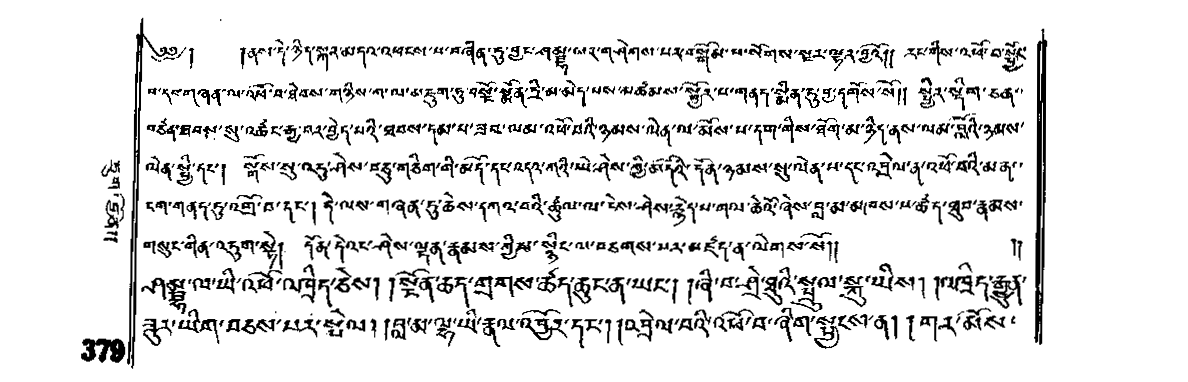༄༅། །ནས་དེ་ཉིད་སྐར་མདའ་འཕངས་པ་བཞིན་དུ་བྱང་ཤམྦྷ་ལར་གཤེགས་པར་བསྒོམ་པ་སོགས་སྔར་ལྟར་བྱའོ།། རང་གིས་འཕོ་བ་སྦྱོང་
བ་དང་གཞན་ལ་འཕོ་བ་ཐེབས་གཉིས་ཀ་ལ་མཇུག་ཏུ་བསྔོ་སྨོན་ཏྲི་མ་མེད་པས་མཚམས་སྦྱོར་པ་གནད་སྨིན་ཏུ་བྱ་དགོས་སོ།། སྤྱིར་སྡིག་ཅན་
བཙན་ཐབས་སུ་འཚང་རྒྱ་བར་བྱེད་པའི་ཐབས་དམ་པ་ཟབ་ལམ་འཕོ་བའི་ཉམས་ལེན་ལ་མོས་པ་དག་གིས་ཐོག་མ་ཉིད་ནས་ལམ་བློའི་ཉམས་
ལེན་སྤྱི་དང་། སྒོས་སུ་འདུ་ཤེས་བཅུ་གཅིག་གི་མདོ་དང་འདའ་ཀའི་ཡེ་ཤེས་ཀྱི་མདོའི་དོན་ཉམས་སུ་ལེན་པ་དང་འབྲེལ་ན་འཕོ་བའི་མན་
ངག་གནད་དུ་འགྲོ་བ་དང་། དེ་ལས་གཞན་དུ་ཆེས་དཀའ་བའི་ཚུལ་ལ་ངེས་ཤེས་རྙེད་པ་གལ་ཆེའོ་ཞེས་བླ་མ་མཁས་པ་ཚད་ཐུབ་རྣམས་
གསུང་གིན་འདུག་སྟེ། དོན་དེའང་ཤེས་ལྡན་རྣམས་ཀྱིས་སྙིང་ལ་བཅགས་པར་མཛད་ན་ལེགས་སོ།། །།
ཤམྦྷ་ལ་ཡི་འཕོ་འཁྲིད་ཅེས། །སྔོན་ཆད་གྲགས་ཚད་ཆུང་ན་ཡང་། །ཞི་བ་ཤྲེ་ཐུའི་སྤྲུལ་སྐུ་ཡིས། །འཁྲིད་རྒྱུན་
ཟུར་ཡིག་བཅས་པར་སྤེལ། །བླ་མ་ལྷ་ཡི་རྣལ་འབྱོར་དང་། །འབྲེལ་བའི་འཕོ་བ་ཞིག་སྤྱངས་ན། །གར་མོས་